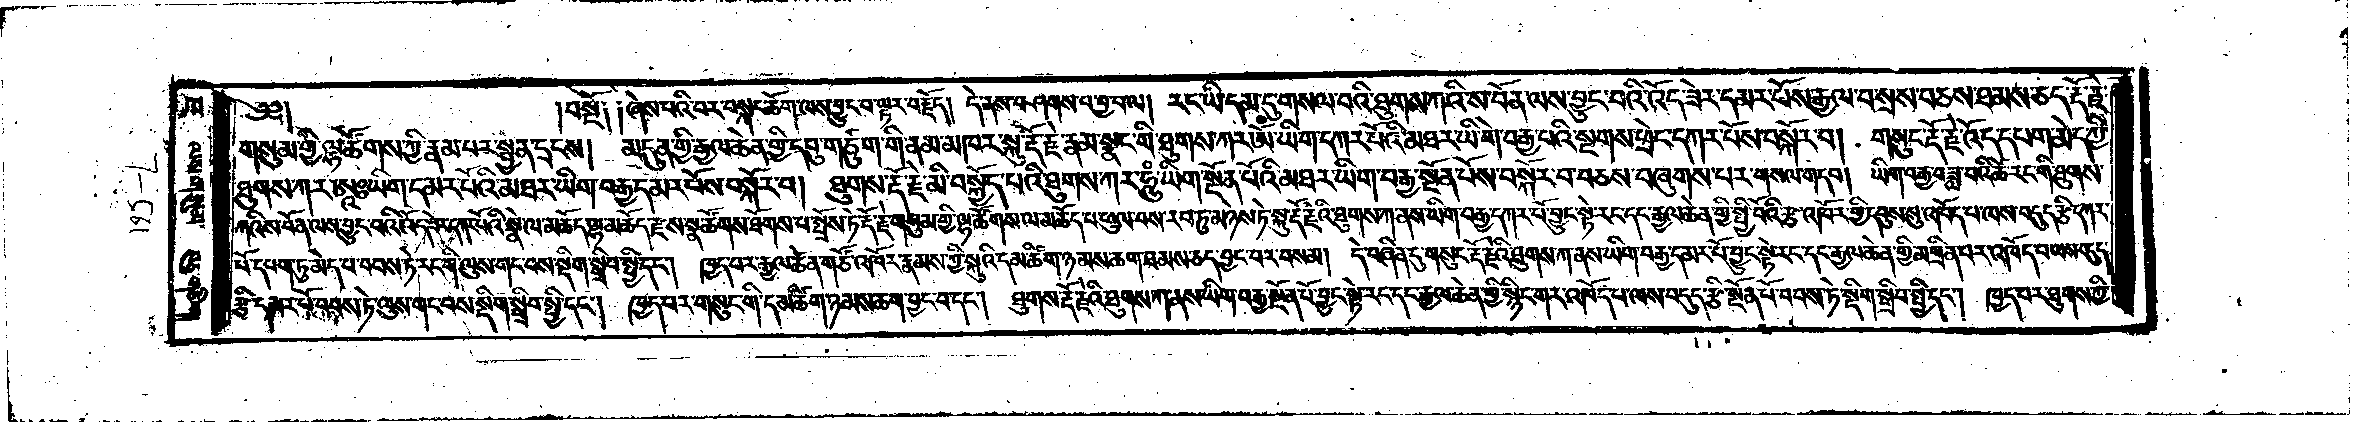༄༅། །བསྔོ༑ ༑ཞེས་པའི་བར་བསྐང་ཆོག་ལས་བྱུང་བ་ལྟར་བརྗོད། དེ་ནས་བཤགས་པ་བྱ་བ་ལ། རང་ཡི་དམ་དུ་གསལ་བའི་ཐུགས་ཀའི་ས་བོན་ལས་བྱུང་བའི་འོད་ཟེར་དམར་པོས་རྒྱལ་བ་སྲས་བཅས་ཐམས་ཅད་རྡོ་རྗེ་
གསུམ་གྱི་ལྷ་ཚོགས་ཀྱི་རྣམ་པར་སྤྱན་དྲངས། མདུན་གྱི་རྒྱལ་ཆེན་གྱི་དབུ་གཙུག་གི་ནམ་མཁར་སྐུ་རྡོ་རྗེ་རྣམ་སྣང་གི་ཐུགས་ཀར་ཨོཾ་ཡིག་དཀར་པོའི་མཐར་ཡི་གེ་བརྒྱ་པའི་སྔགས་ཕྲེང་དཀར་པོས་བསྐོར་བ། གསུང་རྡོ་རྗེ་འོད་དཔག་མེད་ཀྱི་
ཐུགས་ཀར་ཨཱཿ ཡིག་དམར་པོའི་མཐར་ཡིག་བརྒྱ་དམར་པོས་བསྐོར་པ་ཐུགས་རྡོ་རྗེ་མི་བསྐྱོད་པའི་ཐུགས་ཀར་ཧཱུཾ་ཡིག་སྔོན་པོའི་མཐར་ཡིག་བརྒྱ་སྔོན་པོས་བཀྶོར་བ་བཅས་བཞུགས་པར་གསལ་གདབ། ཡིག་བརྒྱ་བཟླ་བའི་ཚེ་རང་གི་ཐུགས་
ཀའི་ས་བོན་ལས་བྱུང་བའི་འོད་ཟེར་དཀར་པོའི་སྣེལ་མཆོད་ལྷ་མཆོད་རྫས་སྣ་ཚོགས་ཐོགས་པ་སྤྲོས་ཏེ་རྡོ་རྗེ་གསུམ་གྱི་ལྷ་ཚོགས་ལ་མཆོད་པ་ཕུལ་བས་རབ་ཏུ་མཉེས་ཏེ་སྐུ་རྡོ་རྗེའི་ཐུགས་ཀ་ནས་ཡིག་བརྒྱ་དཀར་པོ་བྱུང་སྟེ་རང་དང་རྒྱལ་ཆེན་གྱི་སྤྱི་བོའི་རྩ་འཁོར་གྱི་དབུས་སུ་འཁོར་པ་ལས་བདུད་རྩི་དཀར་
པོ་དཔག་ཏུ་མེད་པ་བབས་ཏེ་རང་གི་ལུགས་གང་བས་སྡིག་སྒྲིབ་སྤྱི་དང་། ཁྱད་པར་རྒྱལ་ཆེན་གཙོ་འཁོར་རྣམས་ཀྱི་སྐུའི་དམ་ཚིག་ཉམས་ཆག་ཐམས་ཅད་བྱང་བར་བསམ། དེ་བཞིན་དུ་གསུང་རྡོ་རྗེའི་ཐུགས་ཀ་ནས་ཡིག་བརྒྱ་དམར་པོ་བྱུང་སྟེ་རང་དང་རྒྱལ་ཆེན་གྱི་མགྲིན་པར་འཁོད་པ་ལས་བདུད་
རྩི་དམར་པོ་བབས་ཏེ་ལུས་གང་བས་སྡིག་སྒྲིབ་སྤྱི་དང་། ཁྱད་པར་གསུང་གི་དམ་ཚིག་ཉམས་ཆག་བྱང་བ་དང་། ཐུགས་རྡོ་རྗེའི་ཐུགས་ཀ་ནས་ཡིག་བརྒྱ་སྔོན་པོ་བྱུང་སྟེ་རང་དང་རྒྱལ་ཆེན་གྱི་སྙིང་གར་འཁོད་པ་ལས་བདུད་རྩི་སྔོན་པོ་བབས་དེ་སྡིག་སྒྲིབ་སྦྱི་དང་། ཁྱད་པར་ཐུགས་ཀྱི་